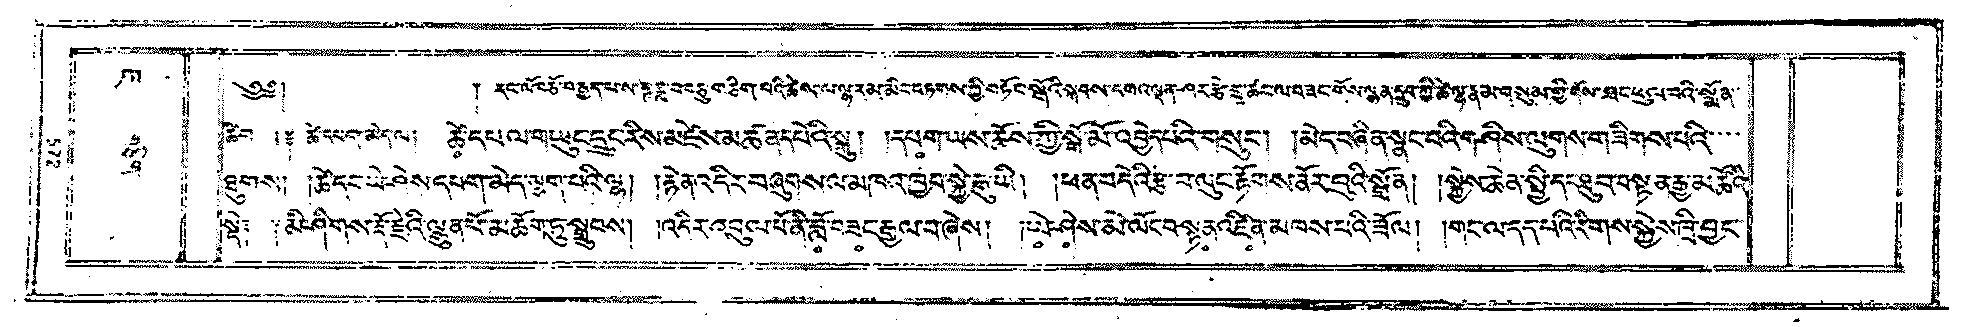༄༅། །རང་ལོ་བཅོ་བརྒྱད་པ་ས་རྟ་ཟླ་བ་བཅུ་གཅིག་པའི་ཚེས་ལ་ལྷ་རམ་མིང་བཏགས་ཀྱི་གཏོང་སྒོའི་སྐབས་དགའ་ལྡན་ཤར་རྩེ་གྲྭ་ཚང་ལ་བཟང་གོས་ལྷན་དྲུབ་ཀྱི་ཚེ་ལྷ་རྣམ་གསུམ་གྱི་གོས་ཐང་ཕུལ་བའི་སྨོན་
ཚིག །༈ ཚེ་དཔག་མེད་ལ། ཚེ྾་དཔལ་གཡུང་དྲུང་རིས་མཛེས་མཚན་དཔེའི་སྐུ། །དཔག྾་ཡས་ཆོས་ཀྱི་སྒོ་མོ་འབྱེད་པའི་གསུང་། །མེད྾་བཞིན་སྣང་བའི་གཤིས་ལུགས་གཟིགས་པའི་
ཐུགས། །ཚེ་དང་ཡེ་ཤེས་དཔག་མེད་ལྷག་པའི་ལྷ། །རྟེན་འདིར་བཞུགས་ལ་མཁའ་ཁྱབ་སྐྱེ་རྒུ་ཡི། །ཕན་བདེའི་རྩ་བ་ལུང་རྟོགས་ནོར་བུའི་སྒྲོན། །སྐྱེས་ཆེན་སྤྱི་དང་ཐུབ་བསྟན་རྒྱ་མཚོའི་
སྡེ༑ ༑མི་ཤིགས་རྡོ་རྗེའི་ལྷུན་པོ་མཆོག་ཏུ་སྒྲུབས། །འདིར་འབུལ་པོ་ནི་བློ྾་བཟང྾་རྒྱལ་བ་ཞེས། །ཡེ྾་ཤེས྾་མེ་ལོང་བསྟན྾་འཛིན྾་མཁས་པའི་ཟོལ། །གང་ལ་དད་པའི་རིགས་སྐྱེས་ཁྲི་བྱང་